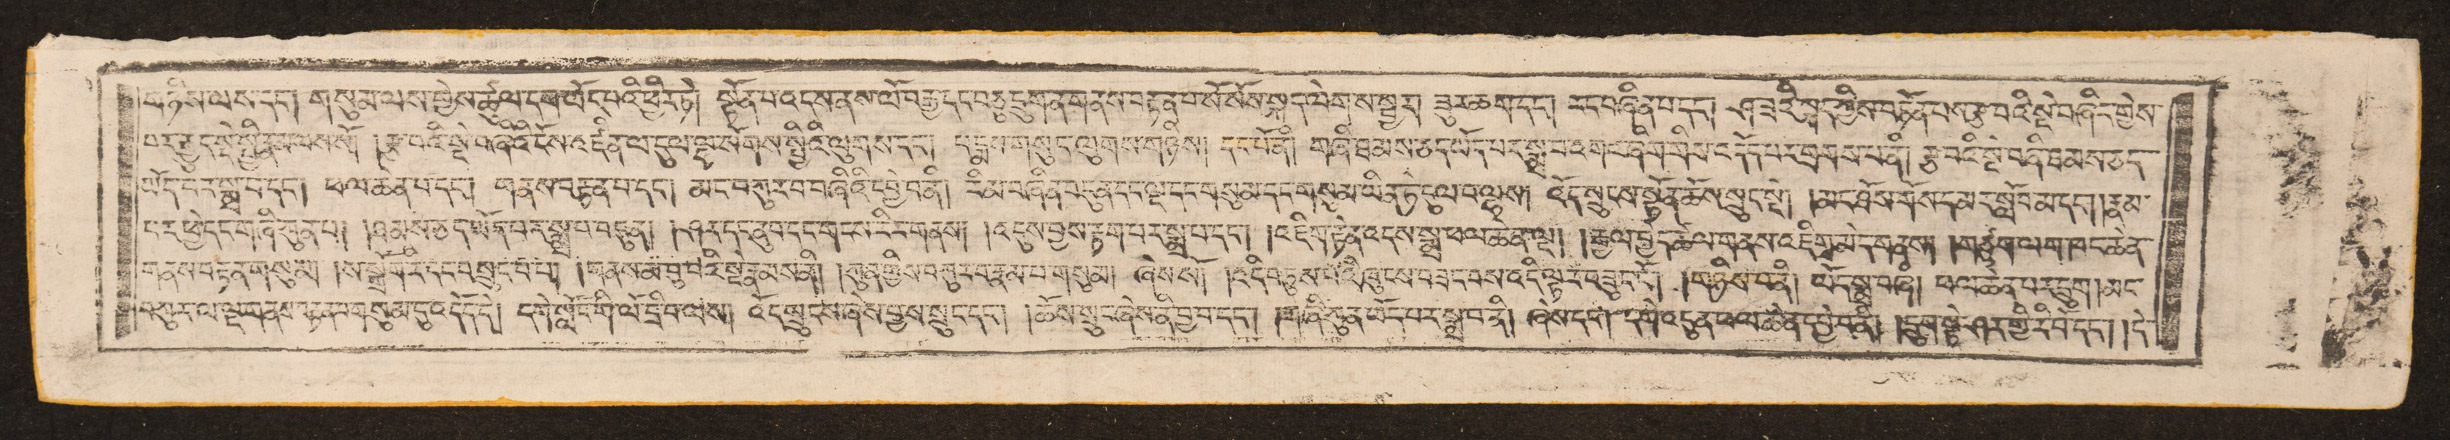ལས་དང་། གཉིས་ལས་དང་། གསུམ་ལས་གྱེས་ཚུལ་དག་ཡོད་པའི་ཕྱིར་ཏེ། སྟོན་པ་འདས་ནས་ལོ་བརྒྱ་དང་བཅུ་དྲུག་ན་གནས་བརྟན་པ་སོ་སོས་སྐད་ལེགས་སྦྱར། ཟུར་ཆག་དང་། རང་བཞིན་པ་དང་། ཤ་ཟའི་སྐད་ཀྱིས་བཏོན་པས་རྩ་
བའི་སྡེ་བཞིར་གྱེས་བར་རྒྱུད་སྡེ་སྤྱི་རྣམ་ལས་སོ། རྩ་བའི་སྡེ་བཞིའི་ངོས་འཛིན་ལ་དུལ་ལྷ་སོགས་སྤྱིའི་ལུགས་དང་། པདམས་གསུང་ལུགས་གཉིས། དང་པོ་ནི། གཞི་ཐམས་ཅད་ཡོད་པར་སྨྲ་བ་འགའ་ཞིག་གིས་འདོད་པར་གྲགས་པ་ནི། རྩ་བའི་
སྡེ་བཞི་ཐམས་ཅད་ཡོད་པར་སྨྲ་བ་དང་། ཕལ་ཆེན་པ་དང་། གནས་བརྟན་པ་དང་། མང་བཀུར་བཞིའི་དབྱེ་བ་ནི། རིམ་བཞིན་བདུན་དང་ལྔ་དང་གསུམ་དང་གསུམ་ཡིན་ཏེ་དུལ་བ་ལྷས། འོད་སྲུངས་སྟོན་ཆོས་སྲུང་སྡེ། །མང་ཐོས་གོས་དམར་སློབ་མ་
དང༑ ༑རྣམ་པར་ཕྱེ་དང་གཞི་ཀུན་པ། །ཐམས་ཅད་ཡོད་པར་སྨྲ་བ་བདུན། །ཤར་དང་ནུབ་དང་གངས་རིར་གནས། །འདུས་བྱས་རྟག་པར་སྨྲ་པ་དང་། །འཇིག་རྟེན་འདས་སྨྲ་ཕལ་ཆེན་ལྔ། །རྒྱལ་བྱེད་ཚལ་གནས་འཇིགས་མེད་གནས། །གཙུག་ལག་ཁང་
ཆེན་གནས་བརྟན་གསུམ། །ས་སྒྲོག་རི་དང་བསྲུང་བ་པ། །གནས་མ་བུ་བའི་སྡེ་རྣམས་ནི། །ཀུན་གྱིས་བཀུར་བ་རྣམ་པ་གསུམ། །ཞེས་སོ། འདི་བཏུས་པའི་ཁུངས་བཟང་བས་འདི་ལྟར་བཟུང་ངོ། གཉིས་པ་ནི། ཡོད་སྨྲ་བཞི། ཕལ་ཆེན་པར་དྲུག་མང་
བཀུར་ལ་ལྔ་གནས་བརྟན་པ་གསུམ་དུ་འདོད་དེ། དགེ་སློང་གི་ལོ་དྲི་བ་ལས། འོད་སྲུངས་ཞེས་བྱས་སྲུང་དང་། །ཆོས་སྲུང་ཞེས་ནི་བྱ་བ་དང་། །གཞི་ཀུན་ཡོད་པར་སྨྲ་བ་ནི། ཞེས་དང་། དགེ་འདུན་ཕལ་ཆེན་དབྱེ་བ་ནི། །དྲུག་སྟེ་ཤར་གྱི་རི་བོ་དང་། །དེ་